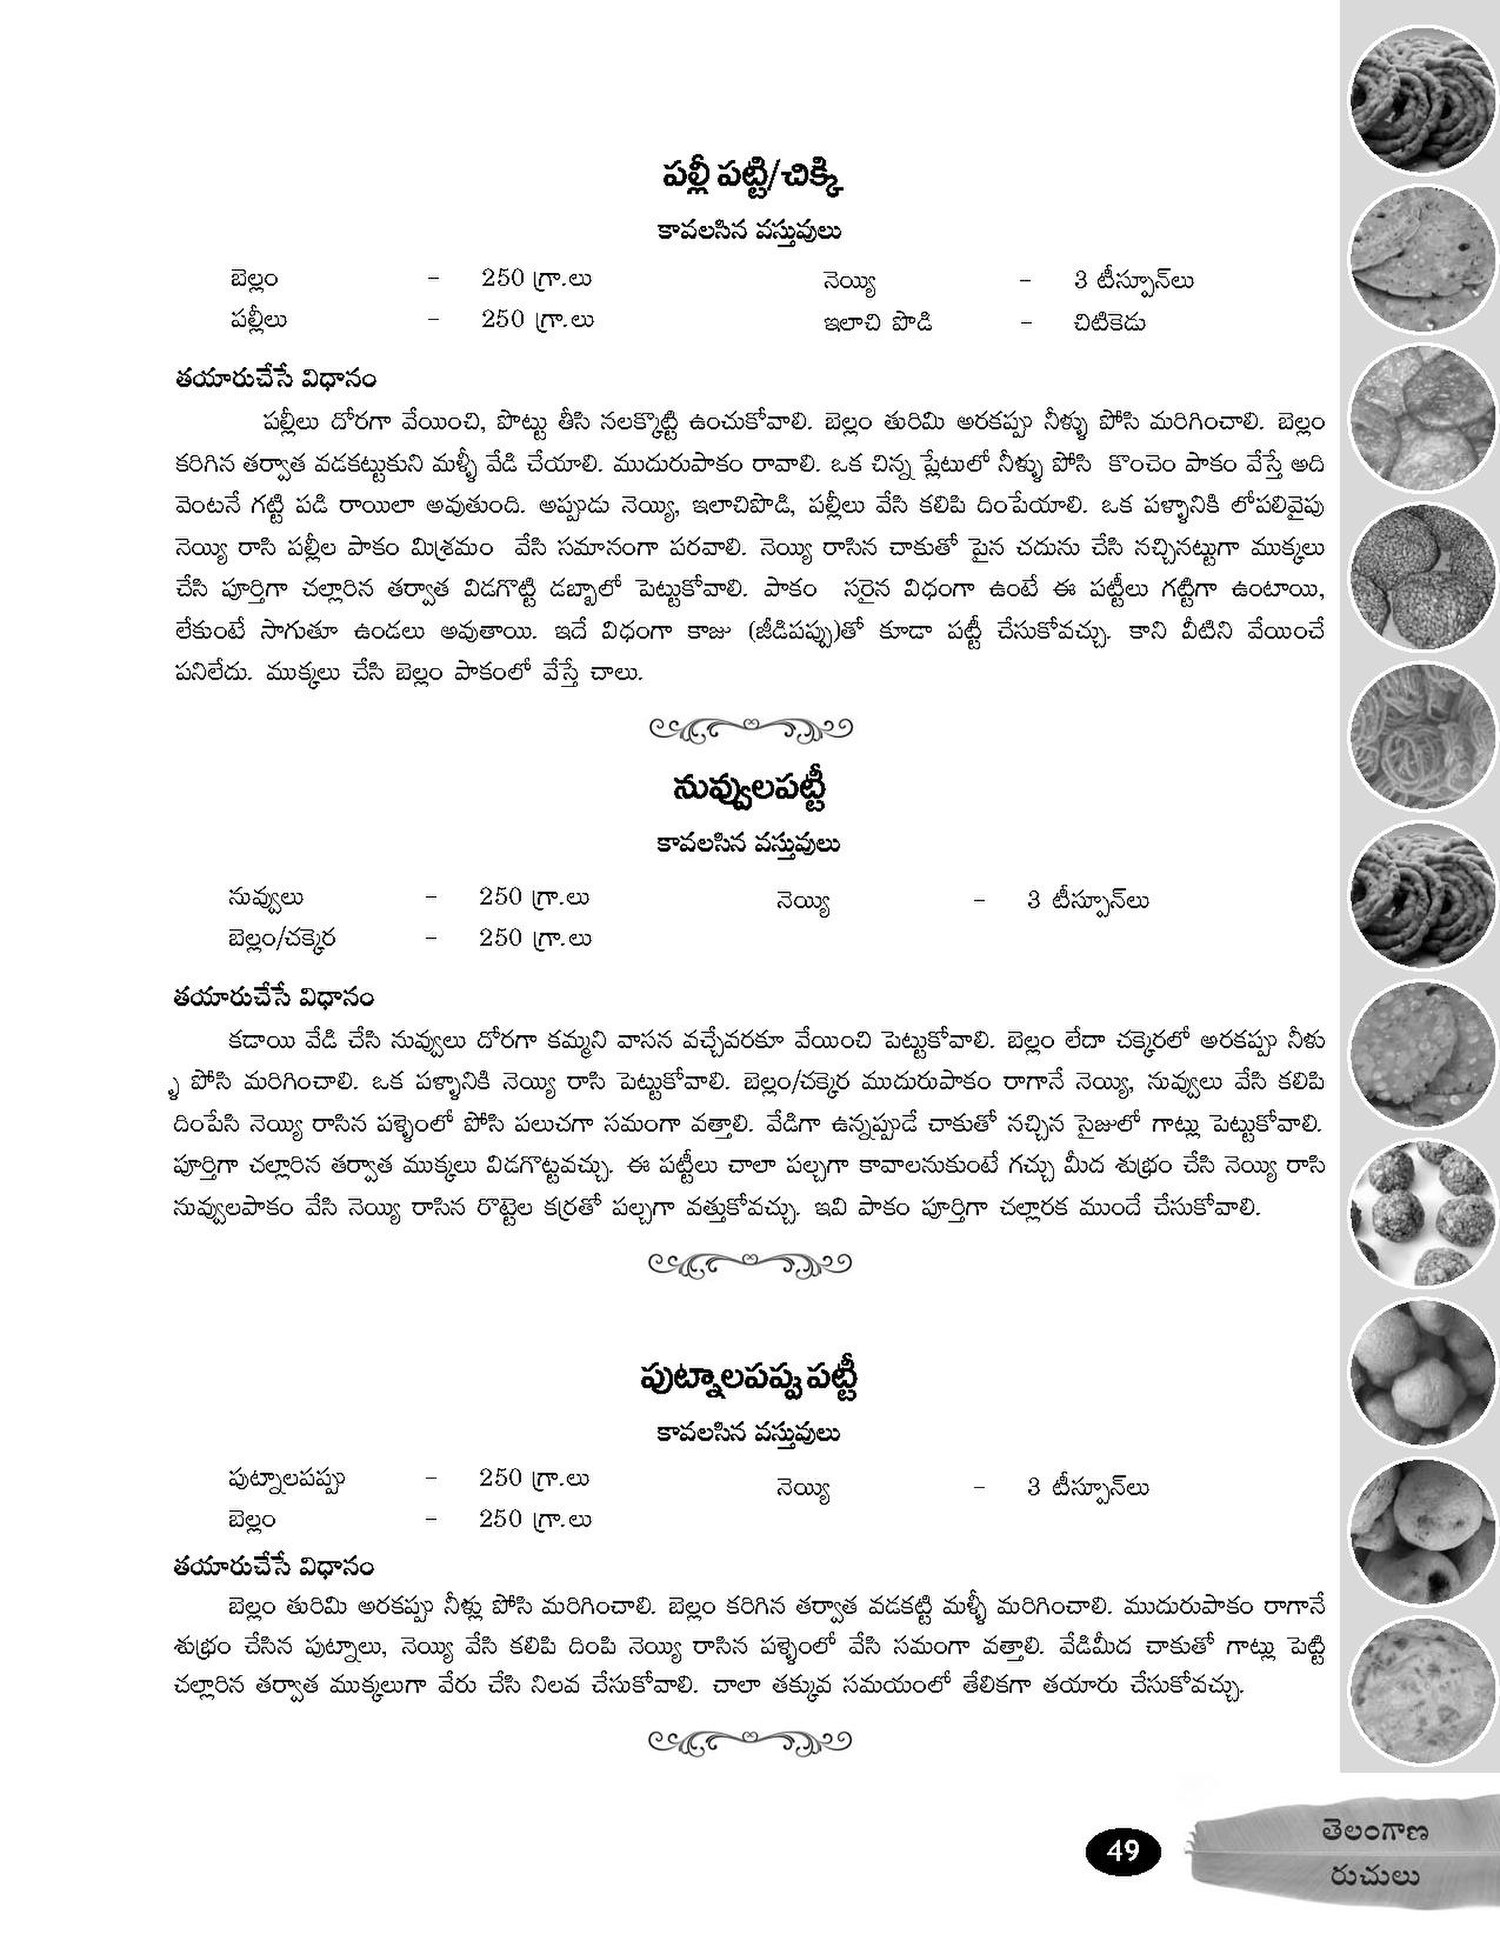+ కావలసిన వస్తువులు పల్లీలు 250 గ్రా.లు ఇలాచిపొడి చిటికెడు బెల్లం 250 గ్రా.లు నెయ్యి 3 టీస్పూన్లు

తయారుచేసే విధానం 

పల్లీలు దోరగా వేయించి, పొట్టు తీసి నలక్కొట్టి ఉంచుకోవాలి. బెల్లం తురిమి అరకప్పు నీళ్ళు పోసి మరిగించాలి. బెల్లం
కరిగిన తర్వాత వడకట్టుకుని మళ్ళీ వేడి చేయాలి. ముదురుపాకం రావాలి. ఒక చిన్న ప్లేటులో నీళ్ళు పోసి కొంచెం పాకం వేస్తే అది వెంటనే గట్టి పడి రాయిలా అవుతుంది. అప్పుడు నెయ్యి, ఇలాచిపొడి, పల్లీలు వేసి కలిపి దింపేయాలి. ఒక పళ్ళానికి లోపలివైపు నెయ్యి రాసి పల్లీల పాకం మిశ్రమం వేసి సమానంగా పరవాలి. నెయ్యి రాసిన చాకుతో పైన చదును చేసి నచ్చినట్టుగా ముక్కలు చేసి పూర్తిగా చల్లారిన తర్వాత విడగొట్టి డబ్బాలో పెట్టుకోవాలి. పాకం సరైన విధంగా ఉంటే ఈ పట్టీలు గట్టిగా ఉంటాయి, లేకుంటే సాగుతూ ఉండలు అవుతాయి. ఇదే విధంగా కాజు (జీడిపప్పు)తో కూడా పట్టీ చేసుకోవచ్చు. కాని వీటిని వేయించే పనిలేదు. ముక్కలు చేసి బెల్లం పాకంలో వేస్తే చాలు.

+ కావలసిన వస్తువులు నువ్వులు 250 గ్రా.లు బెల్లం 250 గ్రా.లు. నెయ్యి 3 టీస్పూన్లు 

తయారుచేసే విధానం 
కడాయి వేడి చేసి నువ్వులు దోరగా కమ్మని వాసన వచ్చేవరకూ వేయించి పెట్టుకోవాలి. బెల్లం లేదా చక్కెరలో అరకప్పు నీళు పోసి మరిగించాలి. ఒక పళ్ళానికి నెయ్యి రాసి పెట్టుకోవాలి. బెల్లం/చక్కెర ముదురుపాకం రాగానే నెయ్యి, నువ్వులు వేసి కలిపి దింపేసి నెయ్యి రాసిన పళ్ళెంలో పోసి పలుచగా సమంగా వత్తాలి. వేడిగా ఉన్నప్పుడే చాకుతో నచ్చిన సైజులో గాట్లు పెట్టుకోవాలి. పూర్తిగా చల్లారిన తర్వాత ముక్కలు విడగొట్టవచ్చు. ఈ పట్టీలు చాలా పల్చగా కావాలను కుంటే గచ్చు మీద శుభ్రం చేసి నెయ్యి రాసి నువ్వుల పాకం వేసి నెయ్యి రాసిన రొట్టెల కర్రతో పల్చగా వత్తుకోవచ్చు. ఇవి పాకం పూర్తిగా చల్లారక ముందే చేసుకోవాలి.

 
+ కావలసిన వస్తువులు పుట్నాలపప్పు 250 గ్రా.లు బెల్లం 2 కప్పులు. నెయ్యి 3 టీస్పూన్లు 

తయారుచేసే విధానం 

బెల్లం తురిమి అరకప్పు నీళ్లు పోసి మరిగించాలి. బెల్లం కరిగిన తర్వాత వడకట్టి మళ్ళీ మరిగించాలి. ముదురుపాకం రాగానే శుభ్రం చేసిన పుట్నాలు, నెయ్యి వేసి కలిపి దింపి నెయ్యి రాసిన పళ్ళెంలో వేసి సమంగా వత్తాలి. వేడిమీద చాకుతో గాట్లు పెట్టి చల్లారిన తర్వాత ముక్కలుగా వేరు చేసి నిలవ చేసుకోవాలి. చాలా తక్కువ సమయంలో తేలికగా తయారు చేసుకోవచ్చు.